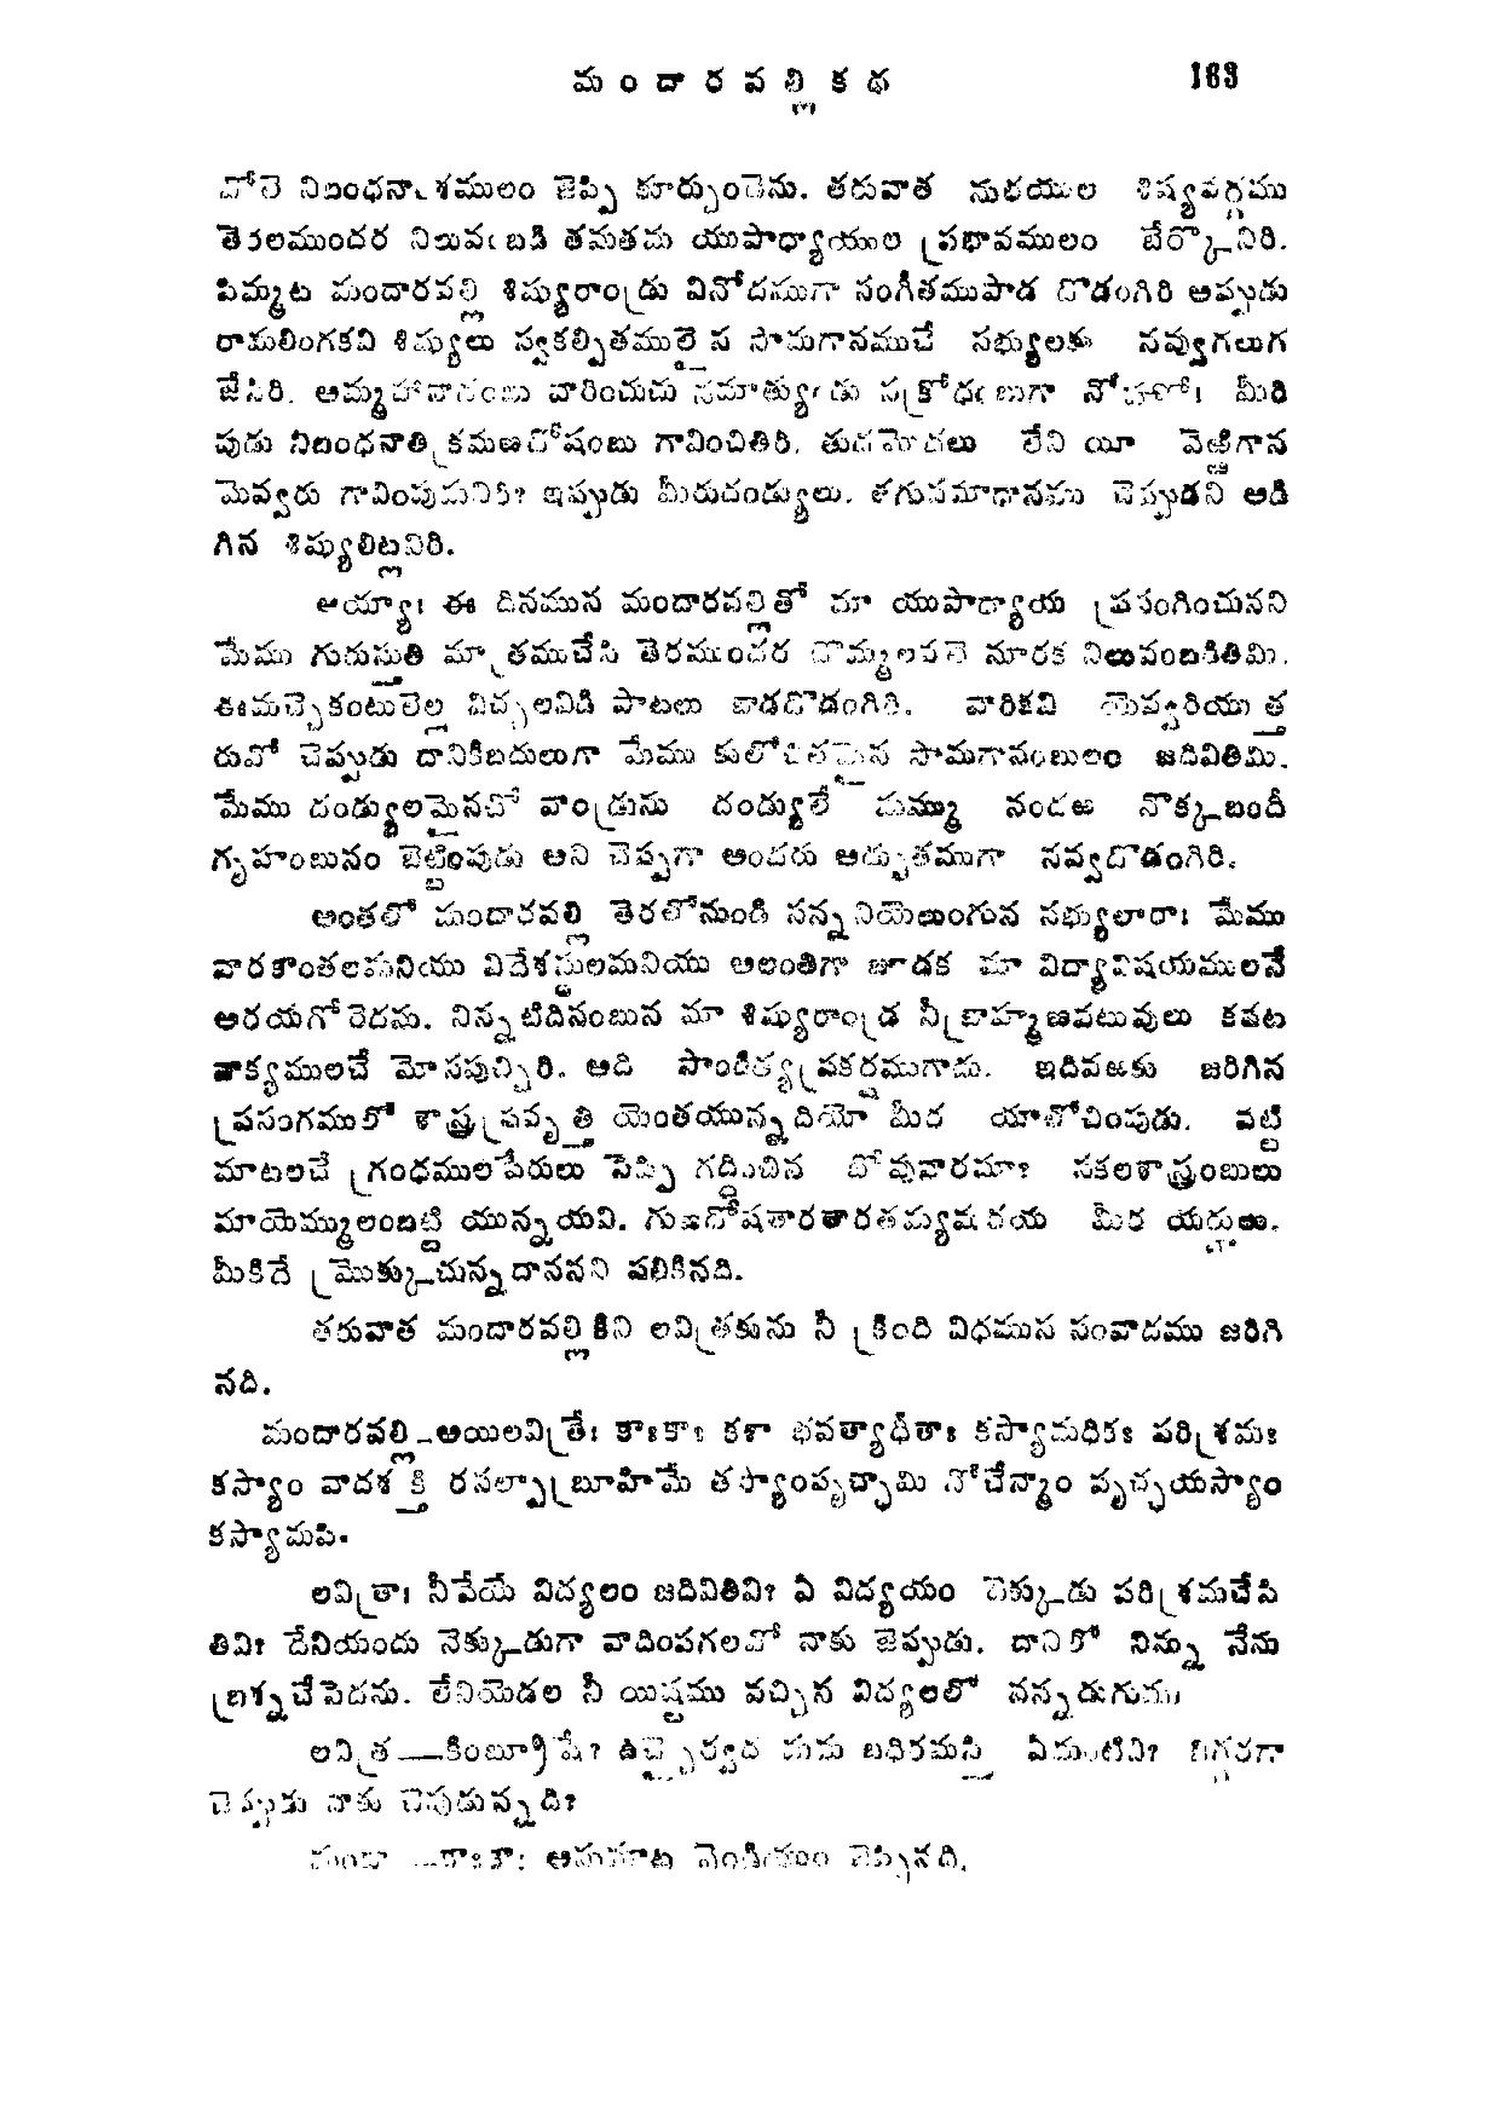వోలె నిబంధనాంశములం జెప్పి కూర్చుండెను. తరువాత నుభయుల శిష్యవర్గము తెరలముందర నిలువఁ బడి తమతమ యుపాధ్యాయుల ప్రభావములం బేర్కొనిరి. పిమ్మట మందారవల్లి శిష్యురాండ్రు వినోదముగా సంగీతముపాడ దొడంగిరి అప్పుడు రామలింగకవి శిష్యులు స్వకల్పితములైన సామగానముచే సభ్యులకు నవ్వుగలుగ జేసిరి. అమ్మహానాదంబు వారించుచు నమాత్యుఁడు నక్రోధంబుగా నోహో! మీరిపుడు నిబంధనాతిక్రమణదోషంబు గావించితిరి. తుదమొదలు లేని యీ వెఱ్ఱిగాన మెవ్వరు గావింపుమనిరి? ఇప్పుడు మీరుదండ్యులు. తగుసమాధానము చెప్పుడని అడిగిన శిష్యులిట్లనిరి.

అయ్యా! ఈ దినమున మందారవల్లితో మా యుపాధ్యాయ ప్రసంగించునని మేము గురుస్తుతి మాత్రముచేసి తెరముందర బొమ్మలవలె నూరక నిలువంబడితిమి. ఈమచ్చెకంటులెల్ల విచ్చలవిడి పాటలు బాడదొడంగిరి. వారికవి యెవ్వరియుత్తరువో చెప్పుడు దానికిబదులుగా మేము కులోచితమైన సామగానంబులం జదివితిమి. మేము దండ్యులమైనచో వాండ్రును దండ్యులే మమ్ము నందఱ నొక్క బందీగృహంబునం బెట్టింపుడు అని చెప్పగా అందరు అద్భుతముగా నవ్వదొడంగిరి.

అంతలో మందారవల్లి తెరలోనుండి సన్ననియెలుంగున సభ్యులారా! మేము వారకాంతలమనియు విదేశస్థులమనియు అలంతిగా జూడక మా విద్యావిషయములనే ఆరయగోరెదను. నిన్నటిదినంబున మా శిష్యురాండ్ర నీబ్రాహ్మణవటువులు కపటవాక్యములచే మోసపుచ్చిరి. అది పాండిత్యప్రకర్షముగాదు. ఇదివఱకు జరిగిన ప్రసంగములో శాస్త్రప్రవృత్తి యెంతయున్నదియో మీర యాలోచింపుడు. వట్టి మాటలచే గ్రంధములపేరులు సెప్పి గద్దించిన బోవువారమా? సకలశాస్త్రంబులు మాయెమ్ములంబట్టి యున్నయవి. గుణదోషతారతారతమ్యమరయ మీర యర్హులు. మీకిదే మ్రొక్కుచున్నదాననని పలికినది.

తరువాత మందారవల్లికిని లవిత్రకును నీ క్రింది విధమున సంవాదము జరిగినది.

మందారవల్లి - అయిలవిత్రే! కాఃకాః కళా భవత్యాధీతాః కస్యామధికః పరిశ్రమః కస్యాం వాదశక్తి రసల్పా బ్రూహిమే తస్యాంపృచ్ఛామి నోచేన్మాం పృచ్ఛయస్యాం కస్యామపి.

లవిత్రా! నీవేయే విద్యలం జదివితివి? ఏ విద్యయం దెక్కుడు పరిశ్రమచేసితివి? దేనియందు నెక్కుడుగా వాదింపగలవో నాకు జెప్పుడు. దానిలో నిన్ను నేను బ్రశ్నచేసెదను. లేనియెడల నీ యిష్టము వచ్చిన విద్యలలో నన్నడుగుము.

లవిత్ర - కింబ్రూషే ? ఉచ్చైర్వద మమ బధిరమస్తి ఏమంటివి? బిగ్గరగా చెప్పుడు నాకు చెవుడున్నది?

మందా - కాఃకాః అనుమాట వెండియుం చెప్పినది.